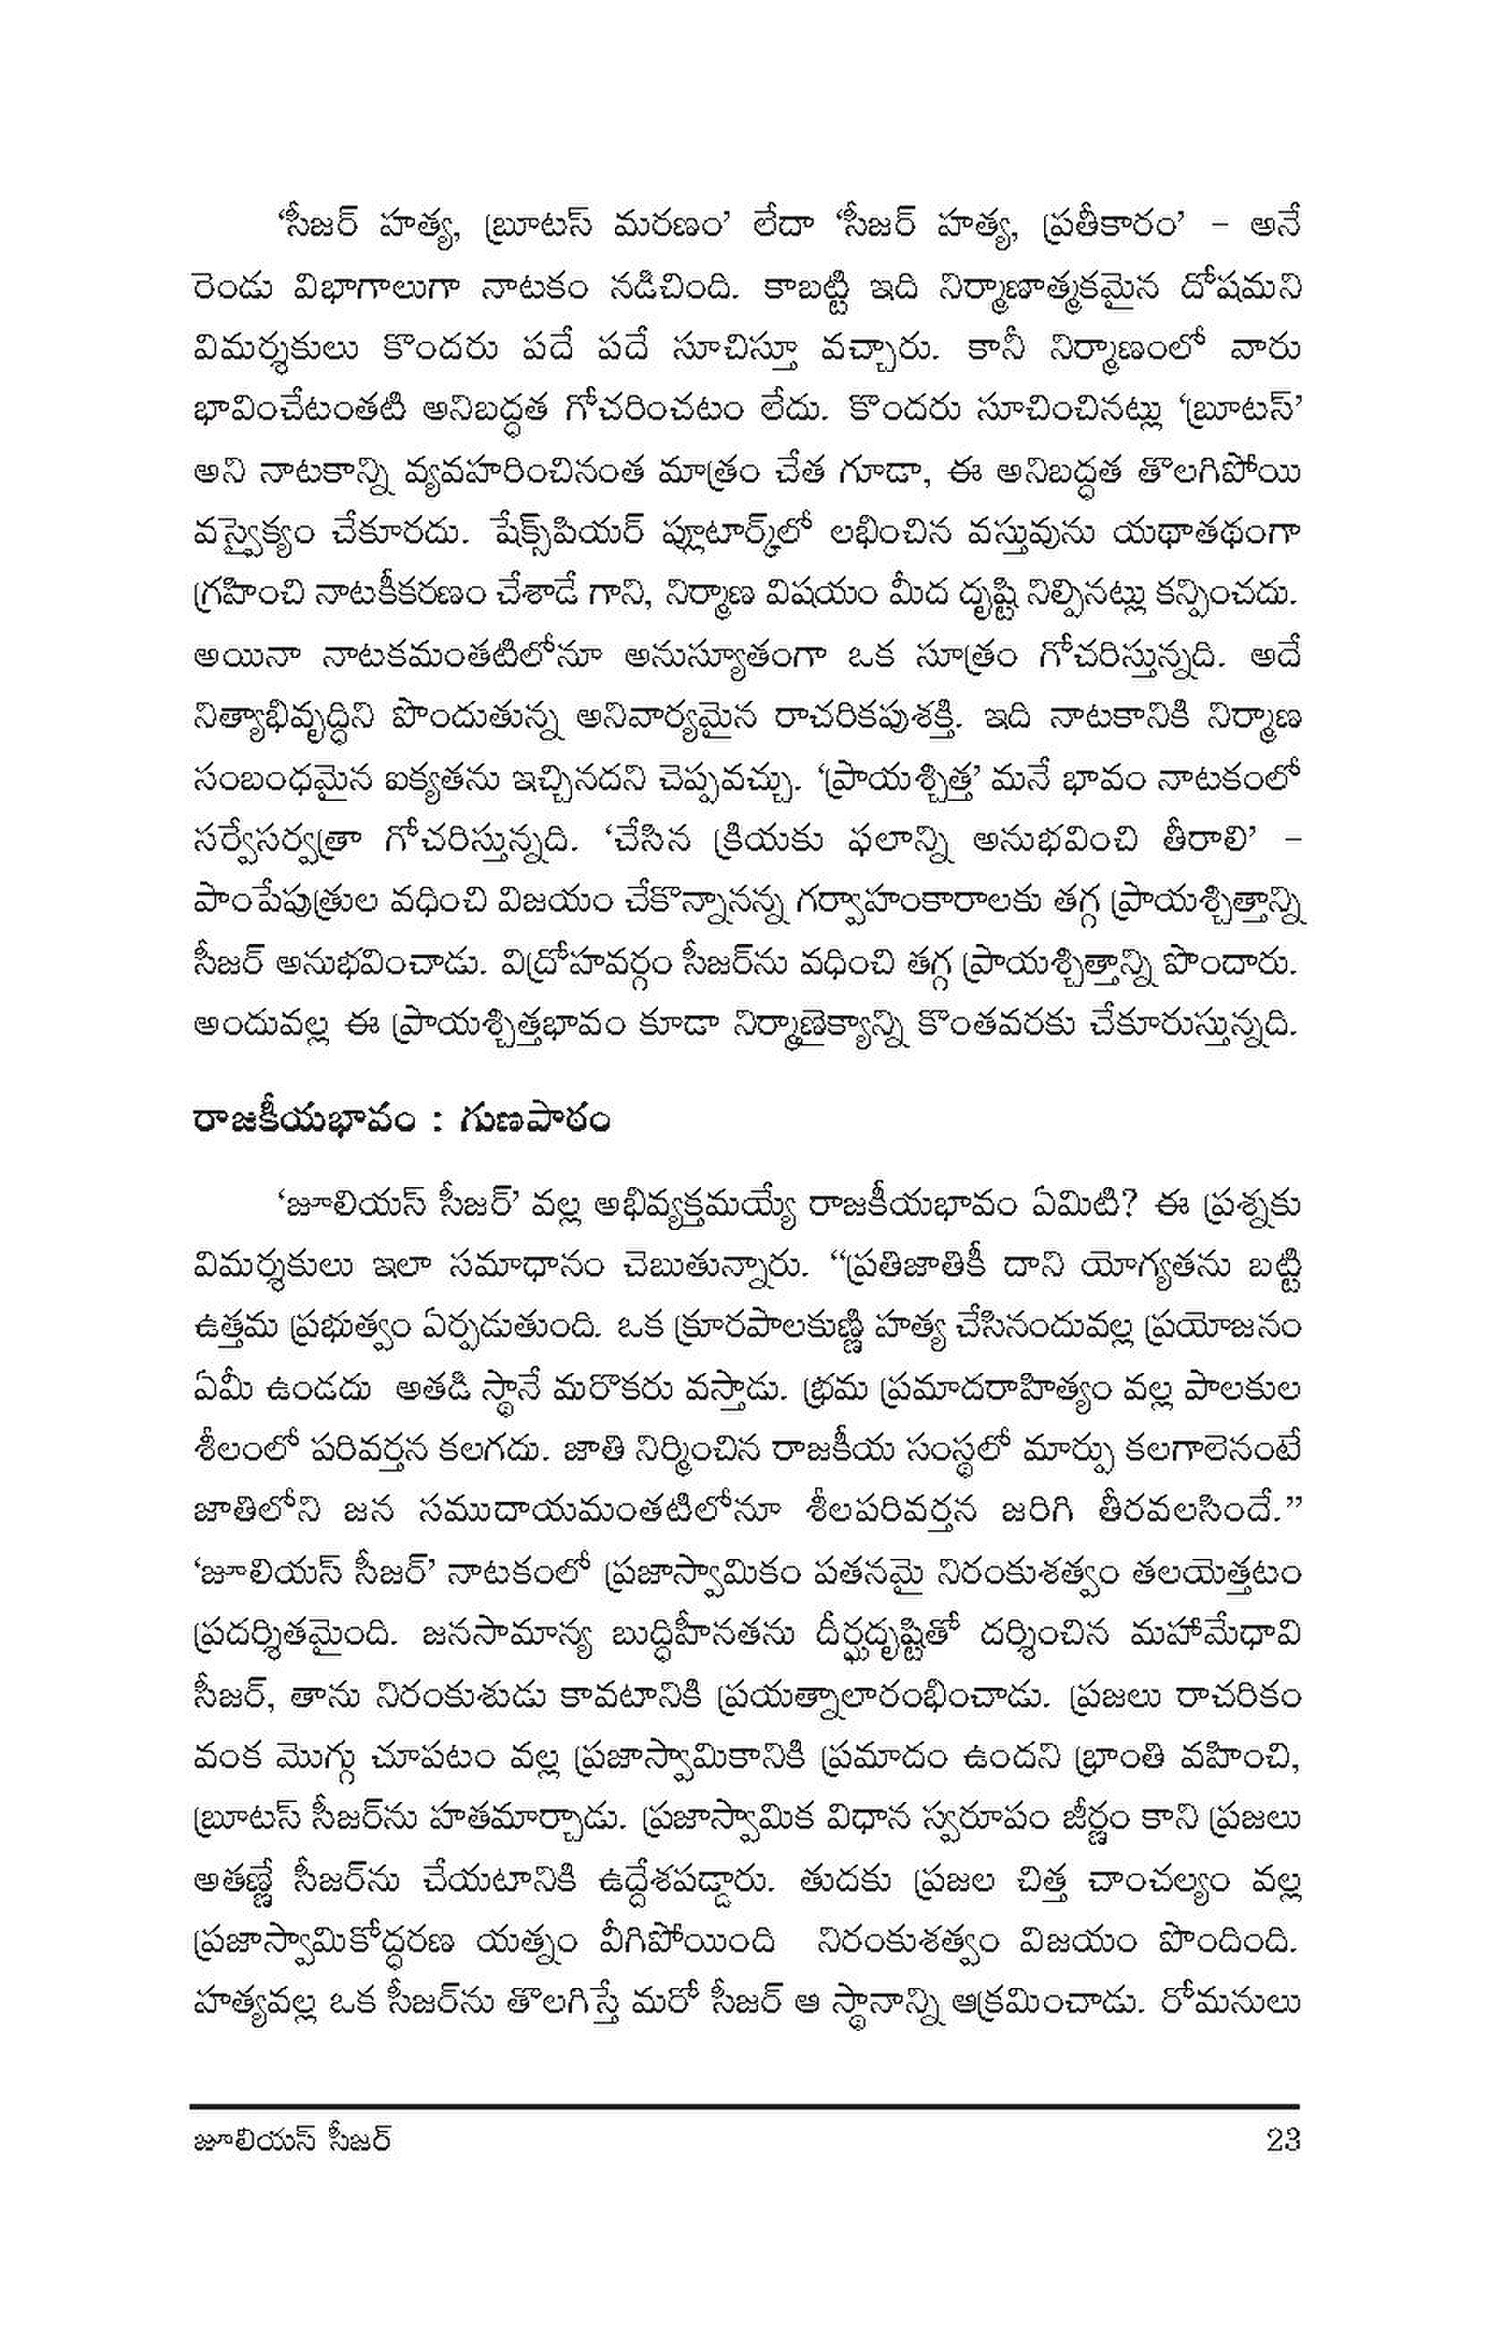'సీజర్ హత్య, బ్రూటస్ మరణం' లేదా 'సీజర్ హత్య, ప్రతీకారం' - అనే రెండు విభాగాలుగా నాటకం నడిచింది. కాబట్టి ఇది నిర్మాణాత్మకమైన దోషమని విమర్శకులు కొందరు పదే పదే సూచిస్తూ వచ్చారు. కానీ నిర్మాణంలో వారు భావించే టంతటి అనిబద్ధత గోచరించటం లేదు. కొందరు సూచించినట్లు 'బ్రూటస్' అని నాటకాన్ని వ్యవహరించినంత మాత్రం చేత గూడా, ఈ అనిబద్దత తొలగిపోయి వస్వైక్యం చేకూరదు. షేక్స్పియర్ ప్లూటార్క్ లభించిన వస్తువును యథాతథంగా
గ్రహించి నాటకీకరణం చేశాడే గాని, నిర్మాణ విషయం మీద దృష్టి నిల్పినట్లు కన్పించదు. అయినా నాటకమంతటిలోనూ అనుస్యూతంగా ఒక సూత్రం గోచరిస్తున్నది. అదే నిత్యాభివృద్ధిని పొందుతున్న అనివార్యమైన రాచరికపుశక్తి. ఇది నాటకానికి నిర్మాణ సంబంధమైన ఐక్యతను ఇచ్చినదని చెప్పవచ్చు. 'ప్రాయశ్చిత్త' మనే భావం నాటకంలో సర్వేసర్వత్రా గోచరిస్తున్నది. 'చేసిన క్రియకు ఫలాన్ని అనుభవించి తీరాలి' -పాంపేపుత్రుల వధించి విజయం చేకొన్నానన్న గర్వాహంకారాలకు తగ్గ ప్రాయశ్చిత్తాన్ని సీజర్ అనుభవించాడు. విద్రోహవర్గం సీజర్ను వధించి తగ్గ ప్రాయశ్చిత్తాన్ని పొందారు. అందువల్ల ఈ ప్రాయశ్చిత్తభావం కూడా నిర్మాణైక్యాన్ని కొంతవరకు చేకూరుస్తున్నది.

'జూలియస్ సీజర్' వల్ల అభివ్యక్తమయ్యే రాజకీయభావం ఏమిటి? ఈ ప్రశ్నకు విమర్శకులు ఇలా సమాధానం చెబుతున్నారు. “ప్రతిజాతికీ దాని యోగ్యతను బట్టి ఉత్తమ ప్రభుత్వం ఏర్పడుతుంది. ఒక క్రూరపాలకుణ్ణి హత్య చేసినందువల్ల ప్రయోజనం ఏమీ ఉండదు అతడి స్థానే మరొకరు వస్తాడు. భ్రమ ప్రమాదరాహిత్యం వల్ల పాలకుల
శీలంలో పరివర్తన కలగదు. జాతి నిర్మించిన రాజకీయ సంస్థలో మార్పు కలగాలెనంటే జాతిలోని జన సముదాయ మంతటిలోనూ శీలపరివర్తన జరిగి తీరవలసిందే.” 'జూలియస్ సీజర్' నాటకంలో ప్రజాస్వామికం పతనమై నిరంకుశత్వం తలయెత్తటం ప్రదర్శితమైంది. జనసామాన్య బుద్ధిహీనతను దీర్ఘదృష్టితో దర్శించిన మహామేధావి సీజర్, తాను నిరంకుశుడు కావటానికి ప్రయత్నాలారంభించాడు. ప్రజలు రాచరికం వంక మొగ్గు చూపటం వల్ల ప్రజాస్వామికానికి ప్రమాదం ఉందని భ్రాంతి వహించి, బ్రూటస్ సీజర్ను హతమార్చాడు. ప్రజాస్వామిక విధాన స్వరూపం జీర్ణం కాని ప్రజలు అతణ్ణి సీజర్ను చేయటానికి ఉద్దేశపడ్డారు. తుదకు ప్రజల చిత్త చాంచల్యం వల్ల ప్రజాస్వామికోద్ధరణ యత్నం వీగిపోయింది నిరంకుశత్వం విజయం పొందింది. హత్యవల్ల ఒక సీజర్ను తొలగిస్తే మరో సీజర్ ఆ స్థానాన్ని ఆక్రమించాడు. రోమనులు